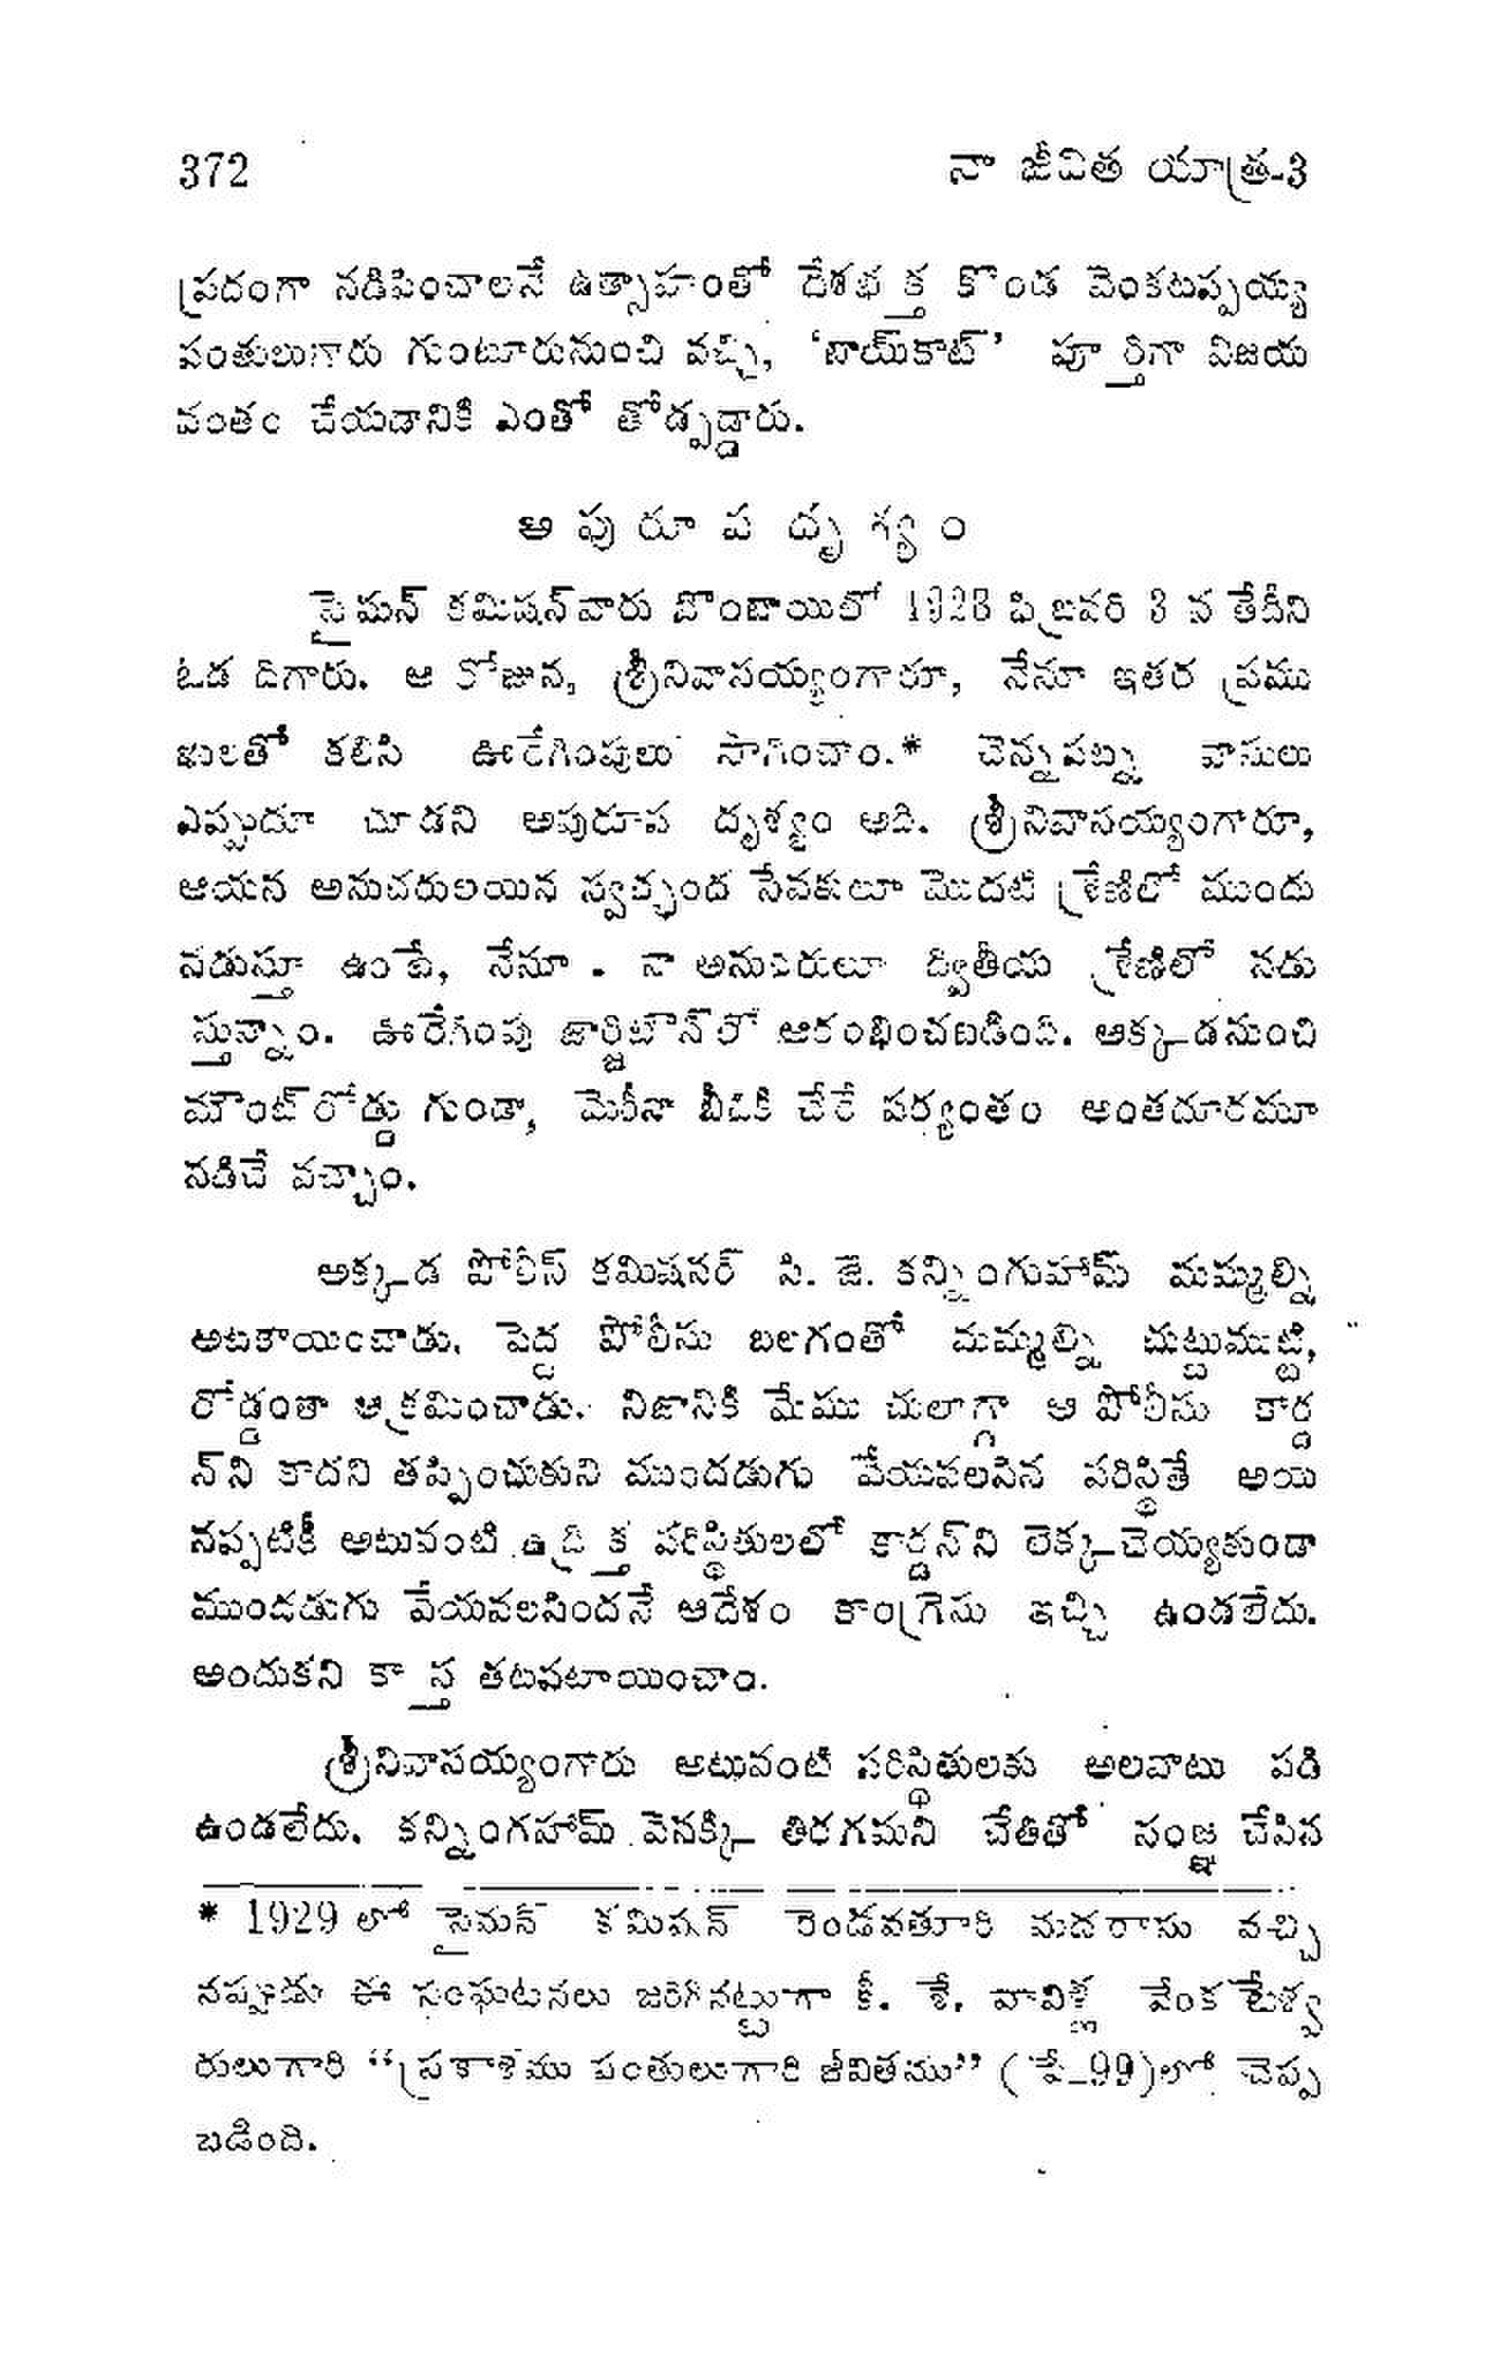ప్రదంగా నడిపించాలనే ఉత్సాహంతో దేశభక్త కొండ వెంకటప్పయ్య పంతులుగారు గుంటూరునుంచి వచ్చి, 'బాయ్‌కాట్‌' పూర్తిగా విజయవంతం చేయడానికి ఎంతో తోడ్పడ్డారు.

సైమన్ కమిషన్‌వారు బొంబాయిలో 1923 ఫిబ్రవరి 3 వ తేదీని ఓడ దిగారు. ఆ రోజున, శ్రీనివాసయ్యంగారూ, నేనూ ఇతర ప్రముఖులతో కలిసి ఊరేగింపులు సాగించాం. చెన్నపట్న వాసులు ఎప్పుడూ చూడని అపురూప దృశ్యం అది. శ్రీనివాసయ్యంగారూ, ఆయన అనుచరులయిన స్వచ్ఛంద సేవకులూ మొదటి శ్రేణిలో ముందు నడుస్తూ ఉంటే, నేనూ - నా అనుచరులూ ద్వితీయ శ్రేణిలో నడుస్తున్నాం. ఊరేగింపు జార్జిటౌన్‌లో ఆరంభించబడింది. అక్కడనుంచి మౌంట్‌రోడ్డు గుండా, మెరీనా బీచికి చేరే పర్యంతం అంతదూరమూ నడిచే వచ్చాం.

అక్కడ పోలీస్ కమిషనర్ సి. జె. కన్నింగుహామ్ మమ్మల్ని అటకాయించాడు. పెద్ద పోలీసు బలగంతో మమ్మల్ని చుట్టుముట్టి, రోడ్డంతా ఆక్రమించాడు. నిజానికి మేము చులాగ్గా అ పోలీసు కార్డన్‌ని కాదని తప్పించుకుని ముందడుగు వేయవలసిన పరిస్థితే అయినప్పటికీ అటువంటి ఉద్రిక్త పరిస్థితులలో కార్డన్‌ని లెక్కచెయ్యకుండా ముందడుగు వేయవలసిందనే ఆదేశం కాంగ్రెసు ఇచ్చి ఉండలేదు. అందుకని కాస్త తటపటాయించాం.

శ్రీనివాసయ్యంగారు అటువంటి పరిస్థితులకు అలవాటు పడిఉండలేదు. కన్నింగహామ్ వెనక్కి తిరగమని చేతితో సంజ్ఞ చేసిన